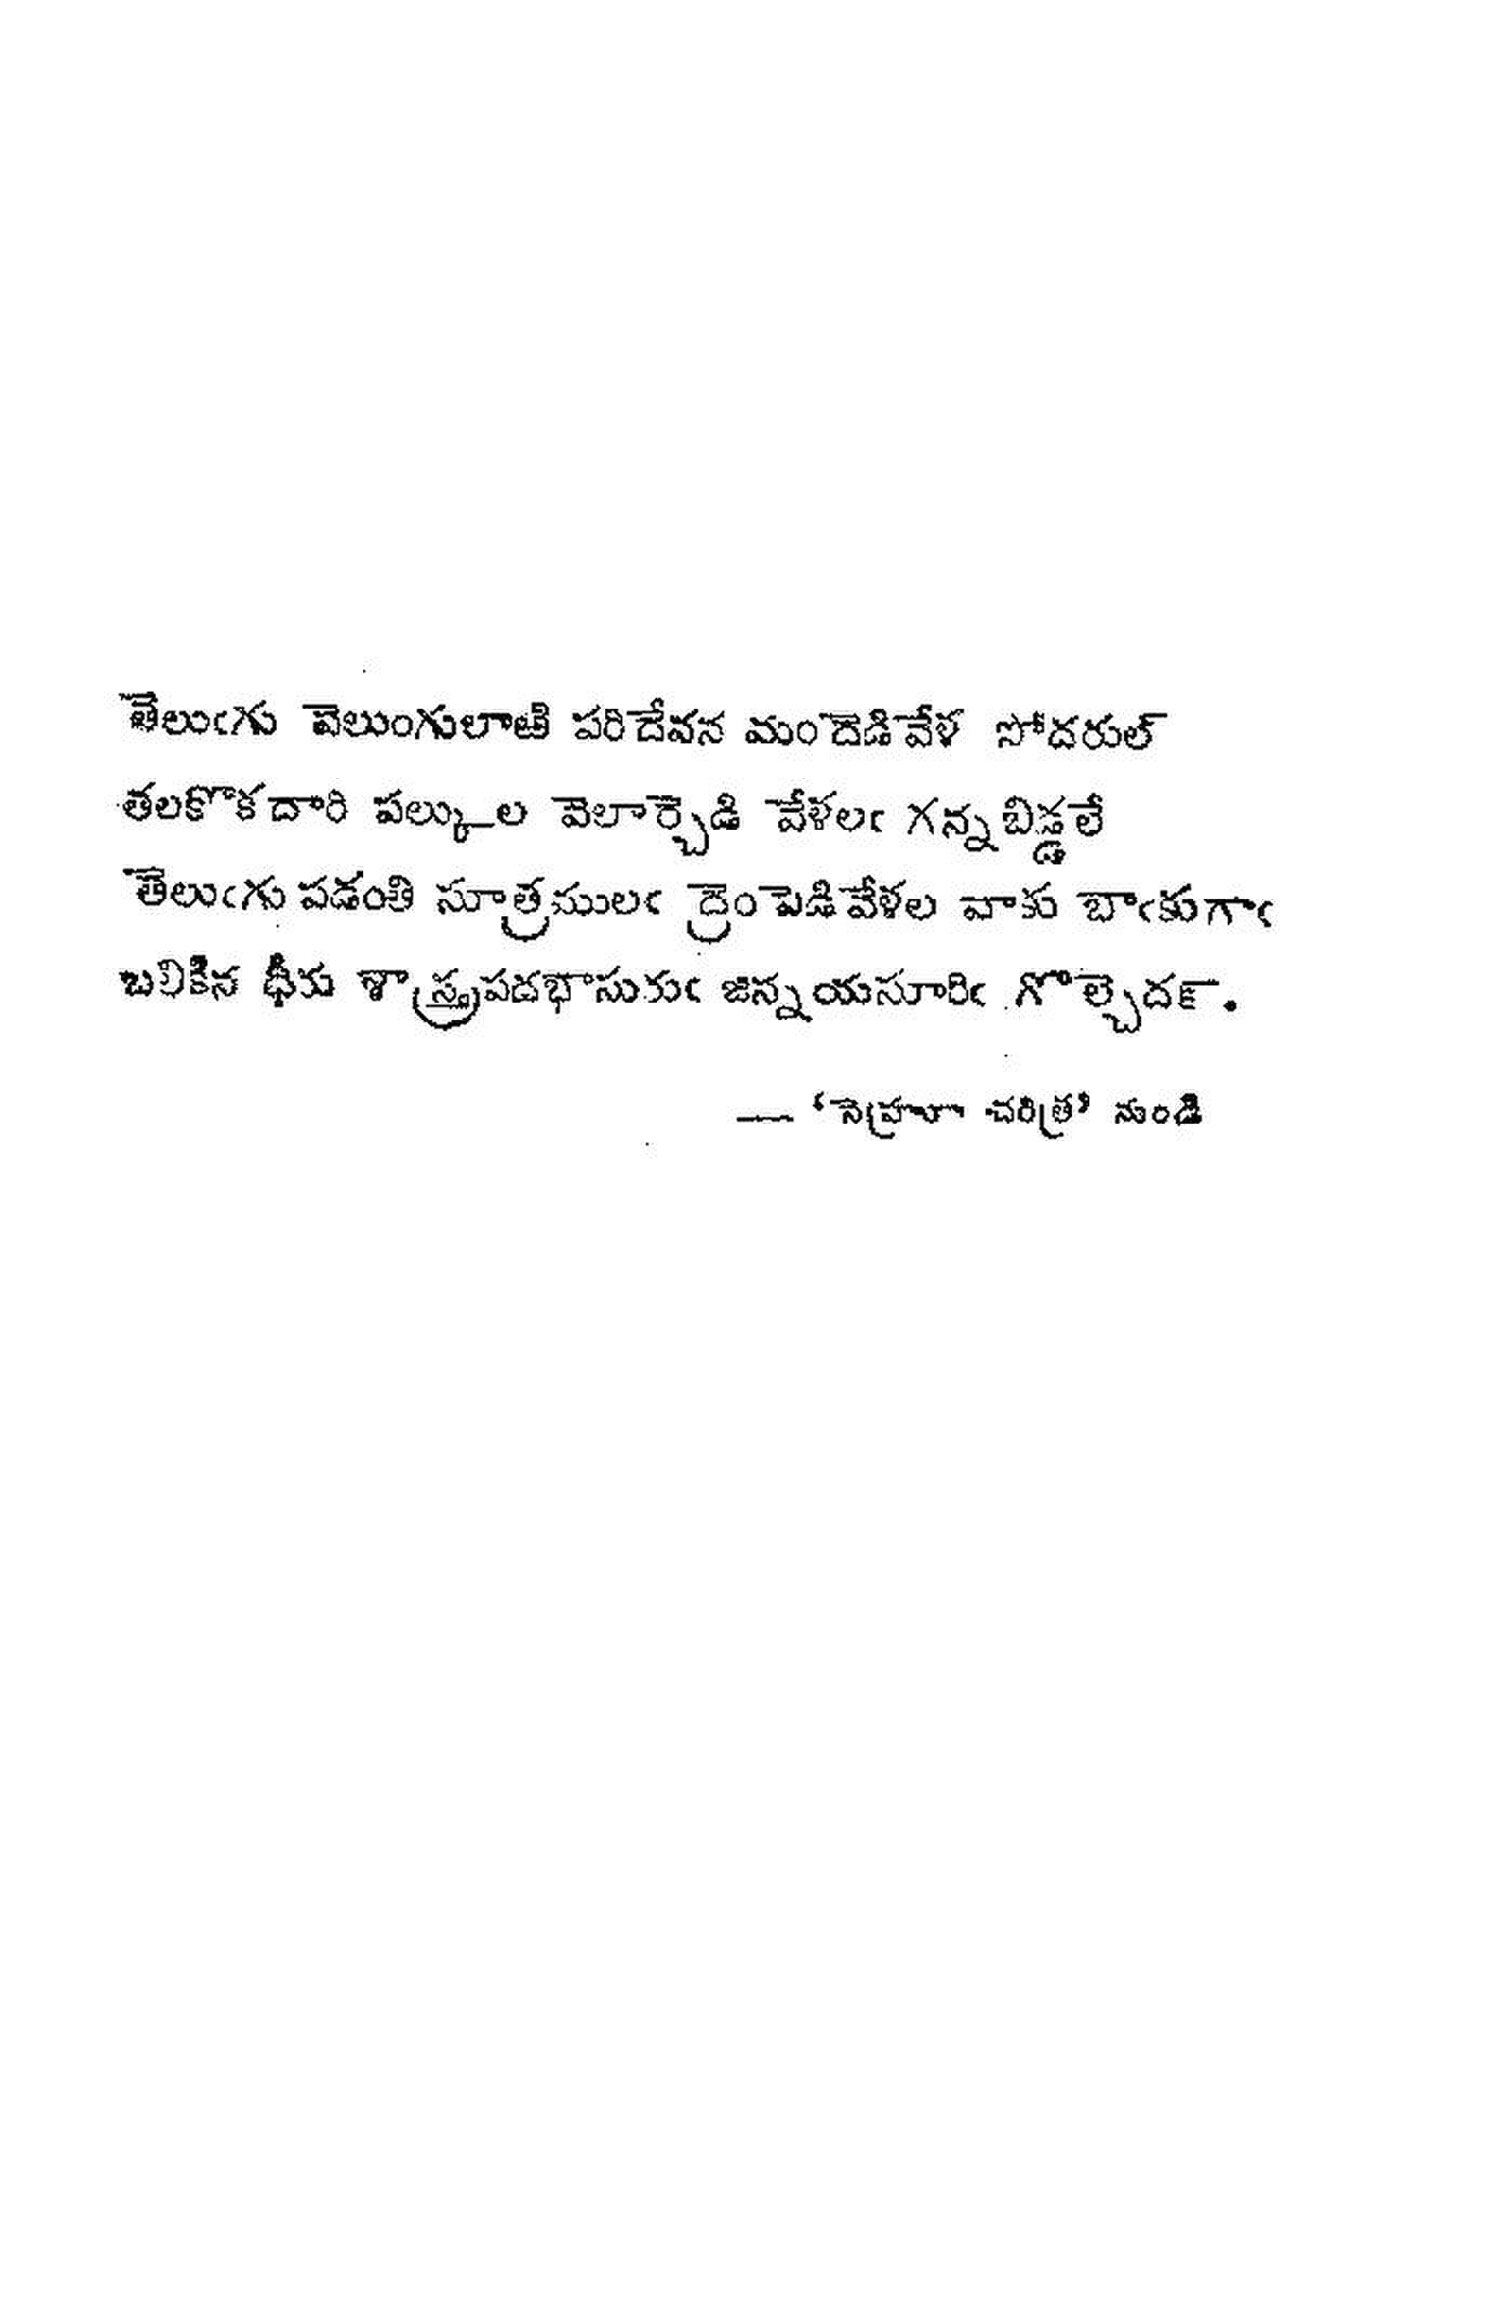తెలుఁగు వెలుంగులాఱి పరిదేవన మందెడివేళ సోదరుల్ 
తలకొకదారి పల్కుల వెలార్చెడి వేళలఁ గన్నబిడ్డలే 
తెలుఁగు పడంతి సూత్రములఁ ద్రెంపెడివేళల వాకు బాఁకుగాఁ 
బలికిన ధీరు శాస్త్రపదభాసురుఁ జిన్నయసూరిఁ గొల్చెద౯ .
 -'నెహ్రూ చరిత్ర' నుండి